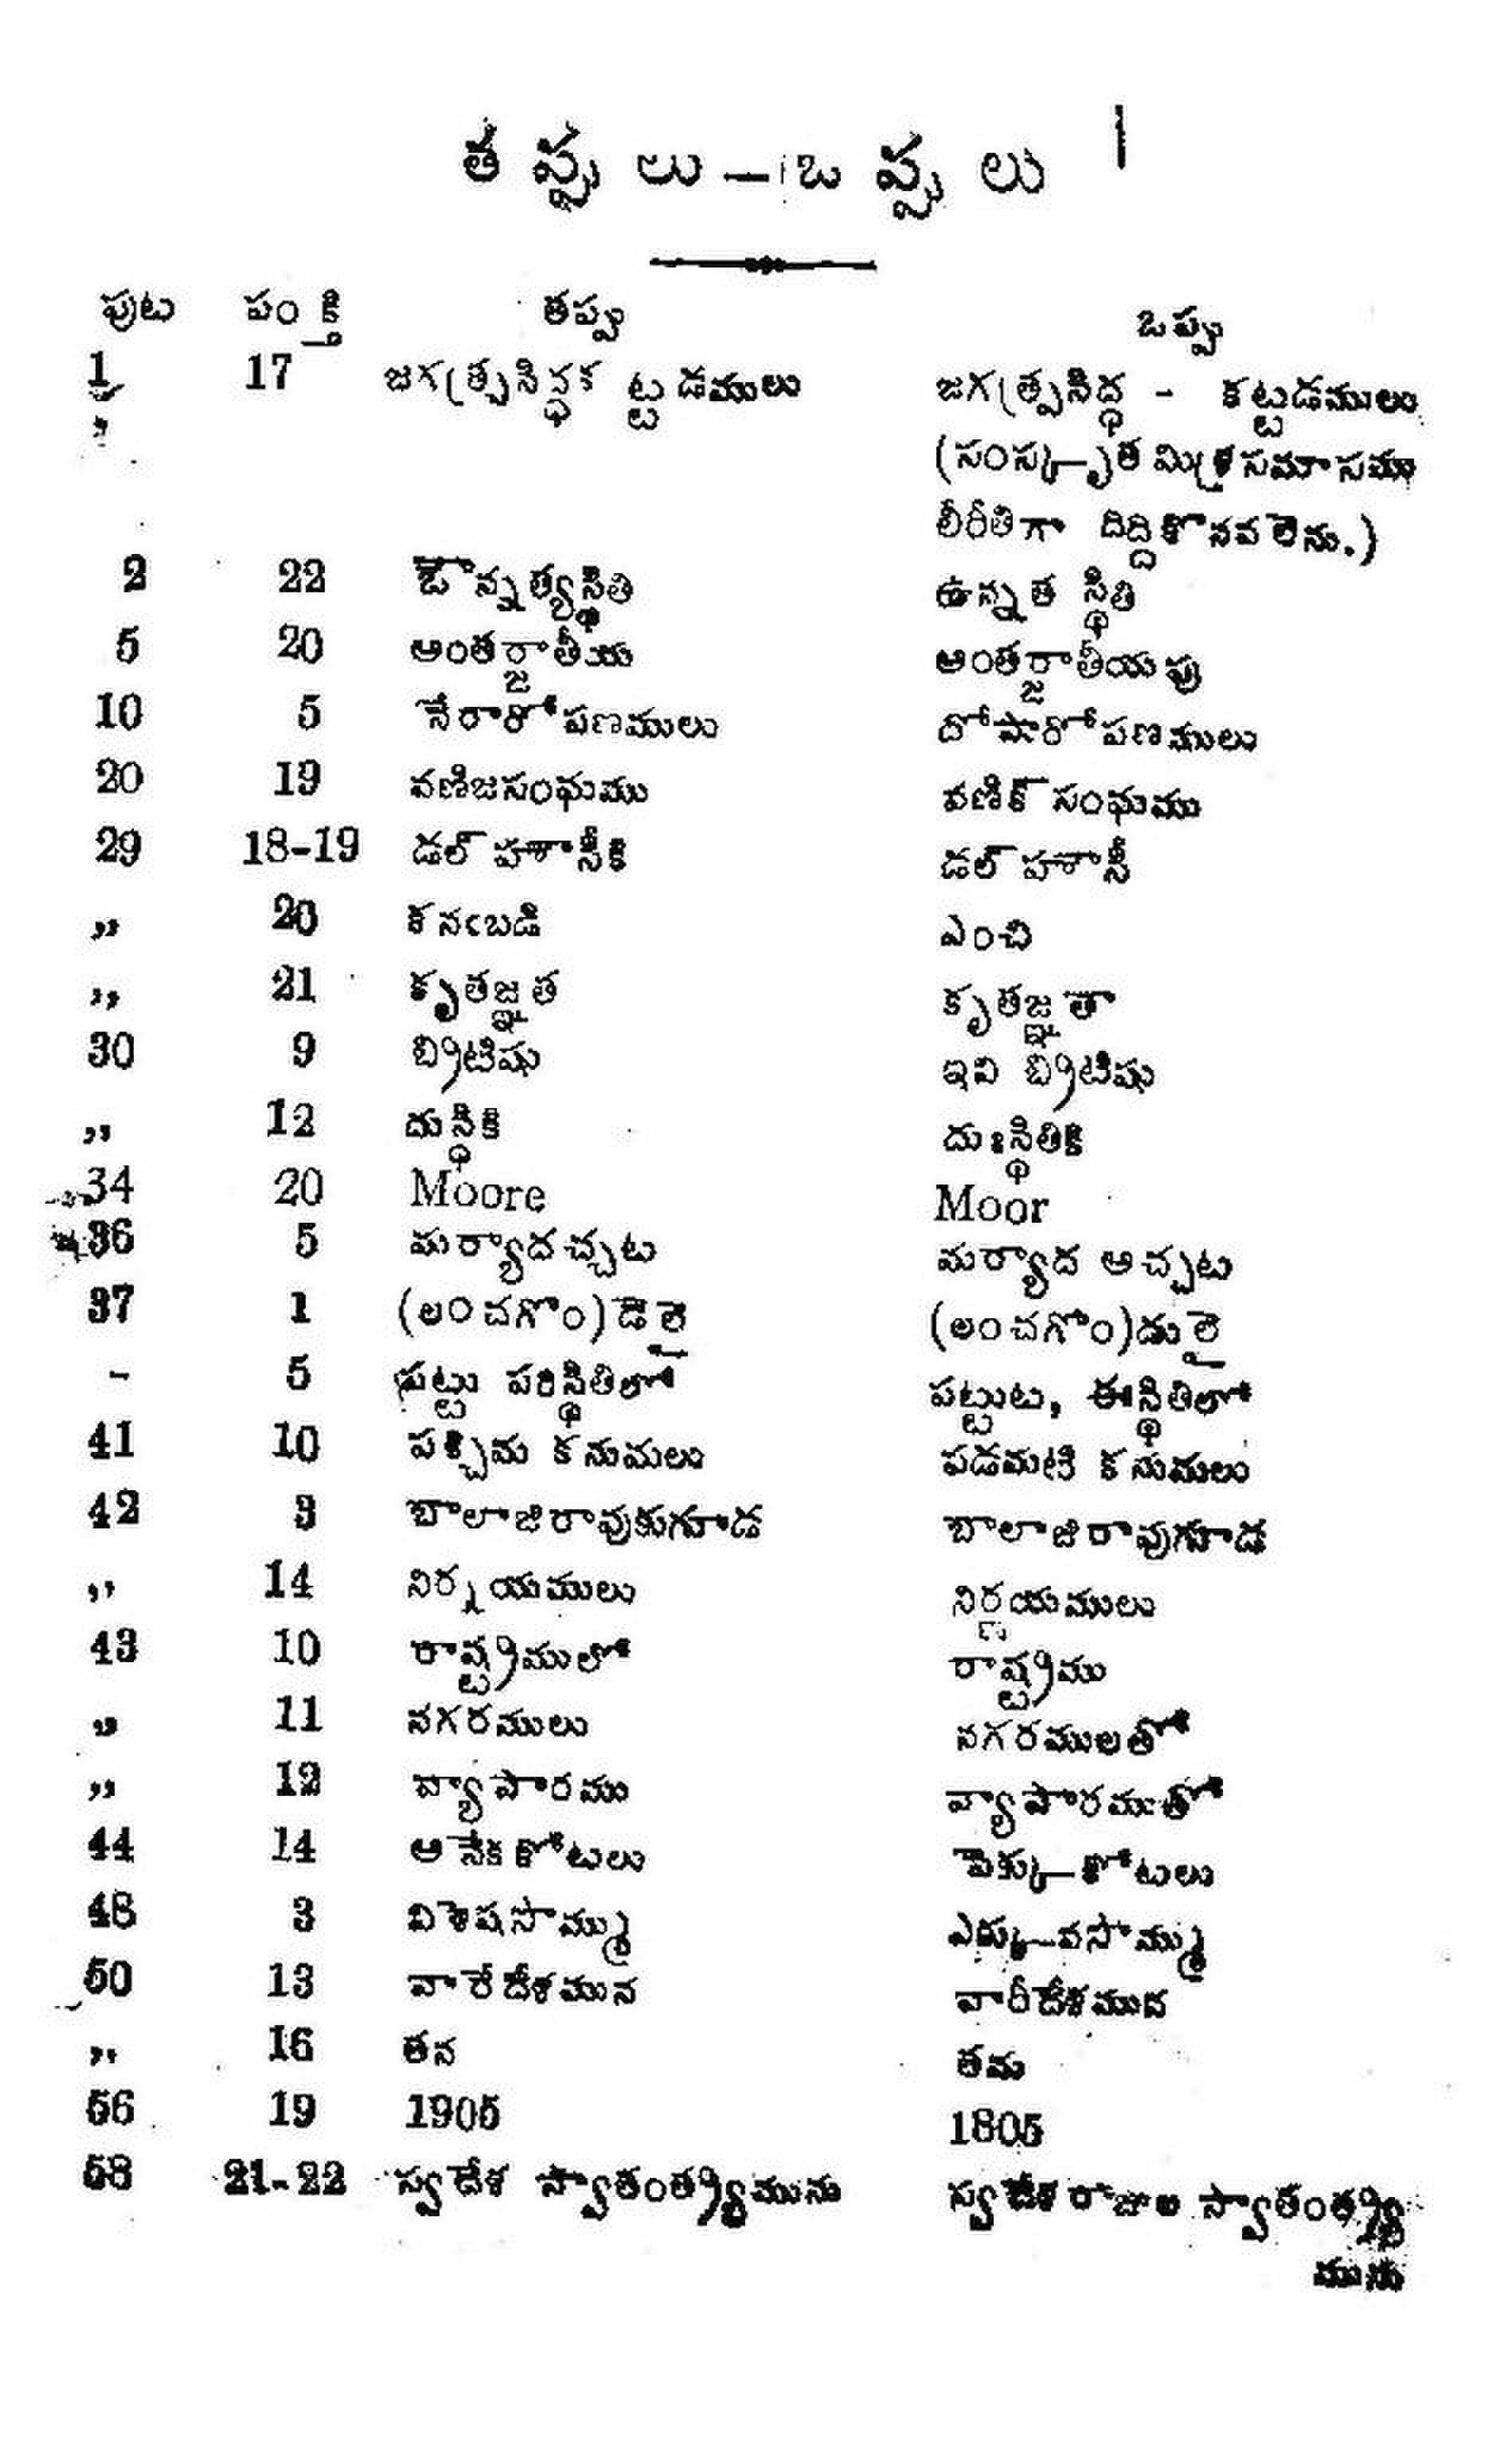తప్పులు - ఒప్పులు

 పుట పంక్తి తప్పు ఒప్పు 1 17 జగత్ప్రసిద్ధకట్టడములు జగత్ప్రసిద్ధ - కట్టడములు (సంస్కృత మిశ్రసమాసము లీరీతిగా దిద్దికొనవలెను.) 2 22 ఔన్నత్యస్థితి ఉన్నత స్థితి 5 20 అంతర్జాతీయ అంతర్జాతీయపు 10 5 నేరారోపణములు దోషారోపణములు 20 19 వణిజసంఘము వణిక్ సంఘము 29 18 - 19 డల్ హౌసీకి డల్ హౌసీ 29 20 కనఁబడి ఎంచి 29 21 కృతజ్ఞత కృతజ్ఞతా 30 9 బ్రిటిషు ఇవి బ్రిటిషు 30 12 దుస్థికి దుఃస్థితికి 34 20 Moore Moor 36 5 మర్యాదచ్చట మర్యాద అచ్చట 37 1 (లంచగొం)డెలై (లంచగొం)డులై 37 5 పట్టు పరిస్థితిలో పట్టుట, ఈస్థితిలో 41 10 పశ్చిమ కనుమలు పడమటి కనుమలు 42 3 బాలాజిరావుకుగూడ బాలాజిరావుగూడ 42 14 నిర్నయములు నిర్ణయములు 43 10 రాష్ట్రములో రాష్ట్రము 43 11 నగరములు నగరములతో 43 12 వ్యాపారము వ్యాపారముతో 44 14 అనేకకోటలు పెక్కుకోటలు 48 3 విశేషసొమ్ము ఎక్కువసొమ్ము 50 13 వారేదేశమున వారీదేశమున 50 16 తన తమ 56 19 1905 1805 58 21 - 22 స్వదేశ స్వాతంత్ర్యమును స్వదేశరాజుల స్వాతంత్ర్యమును